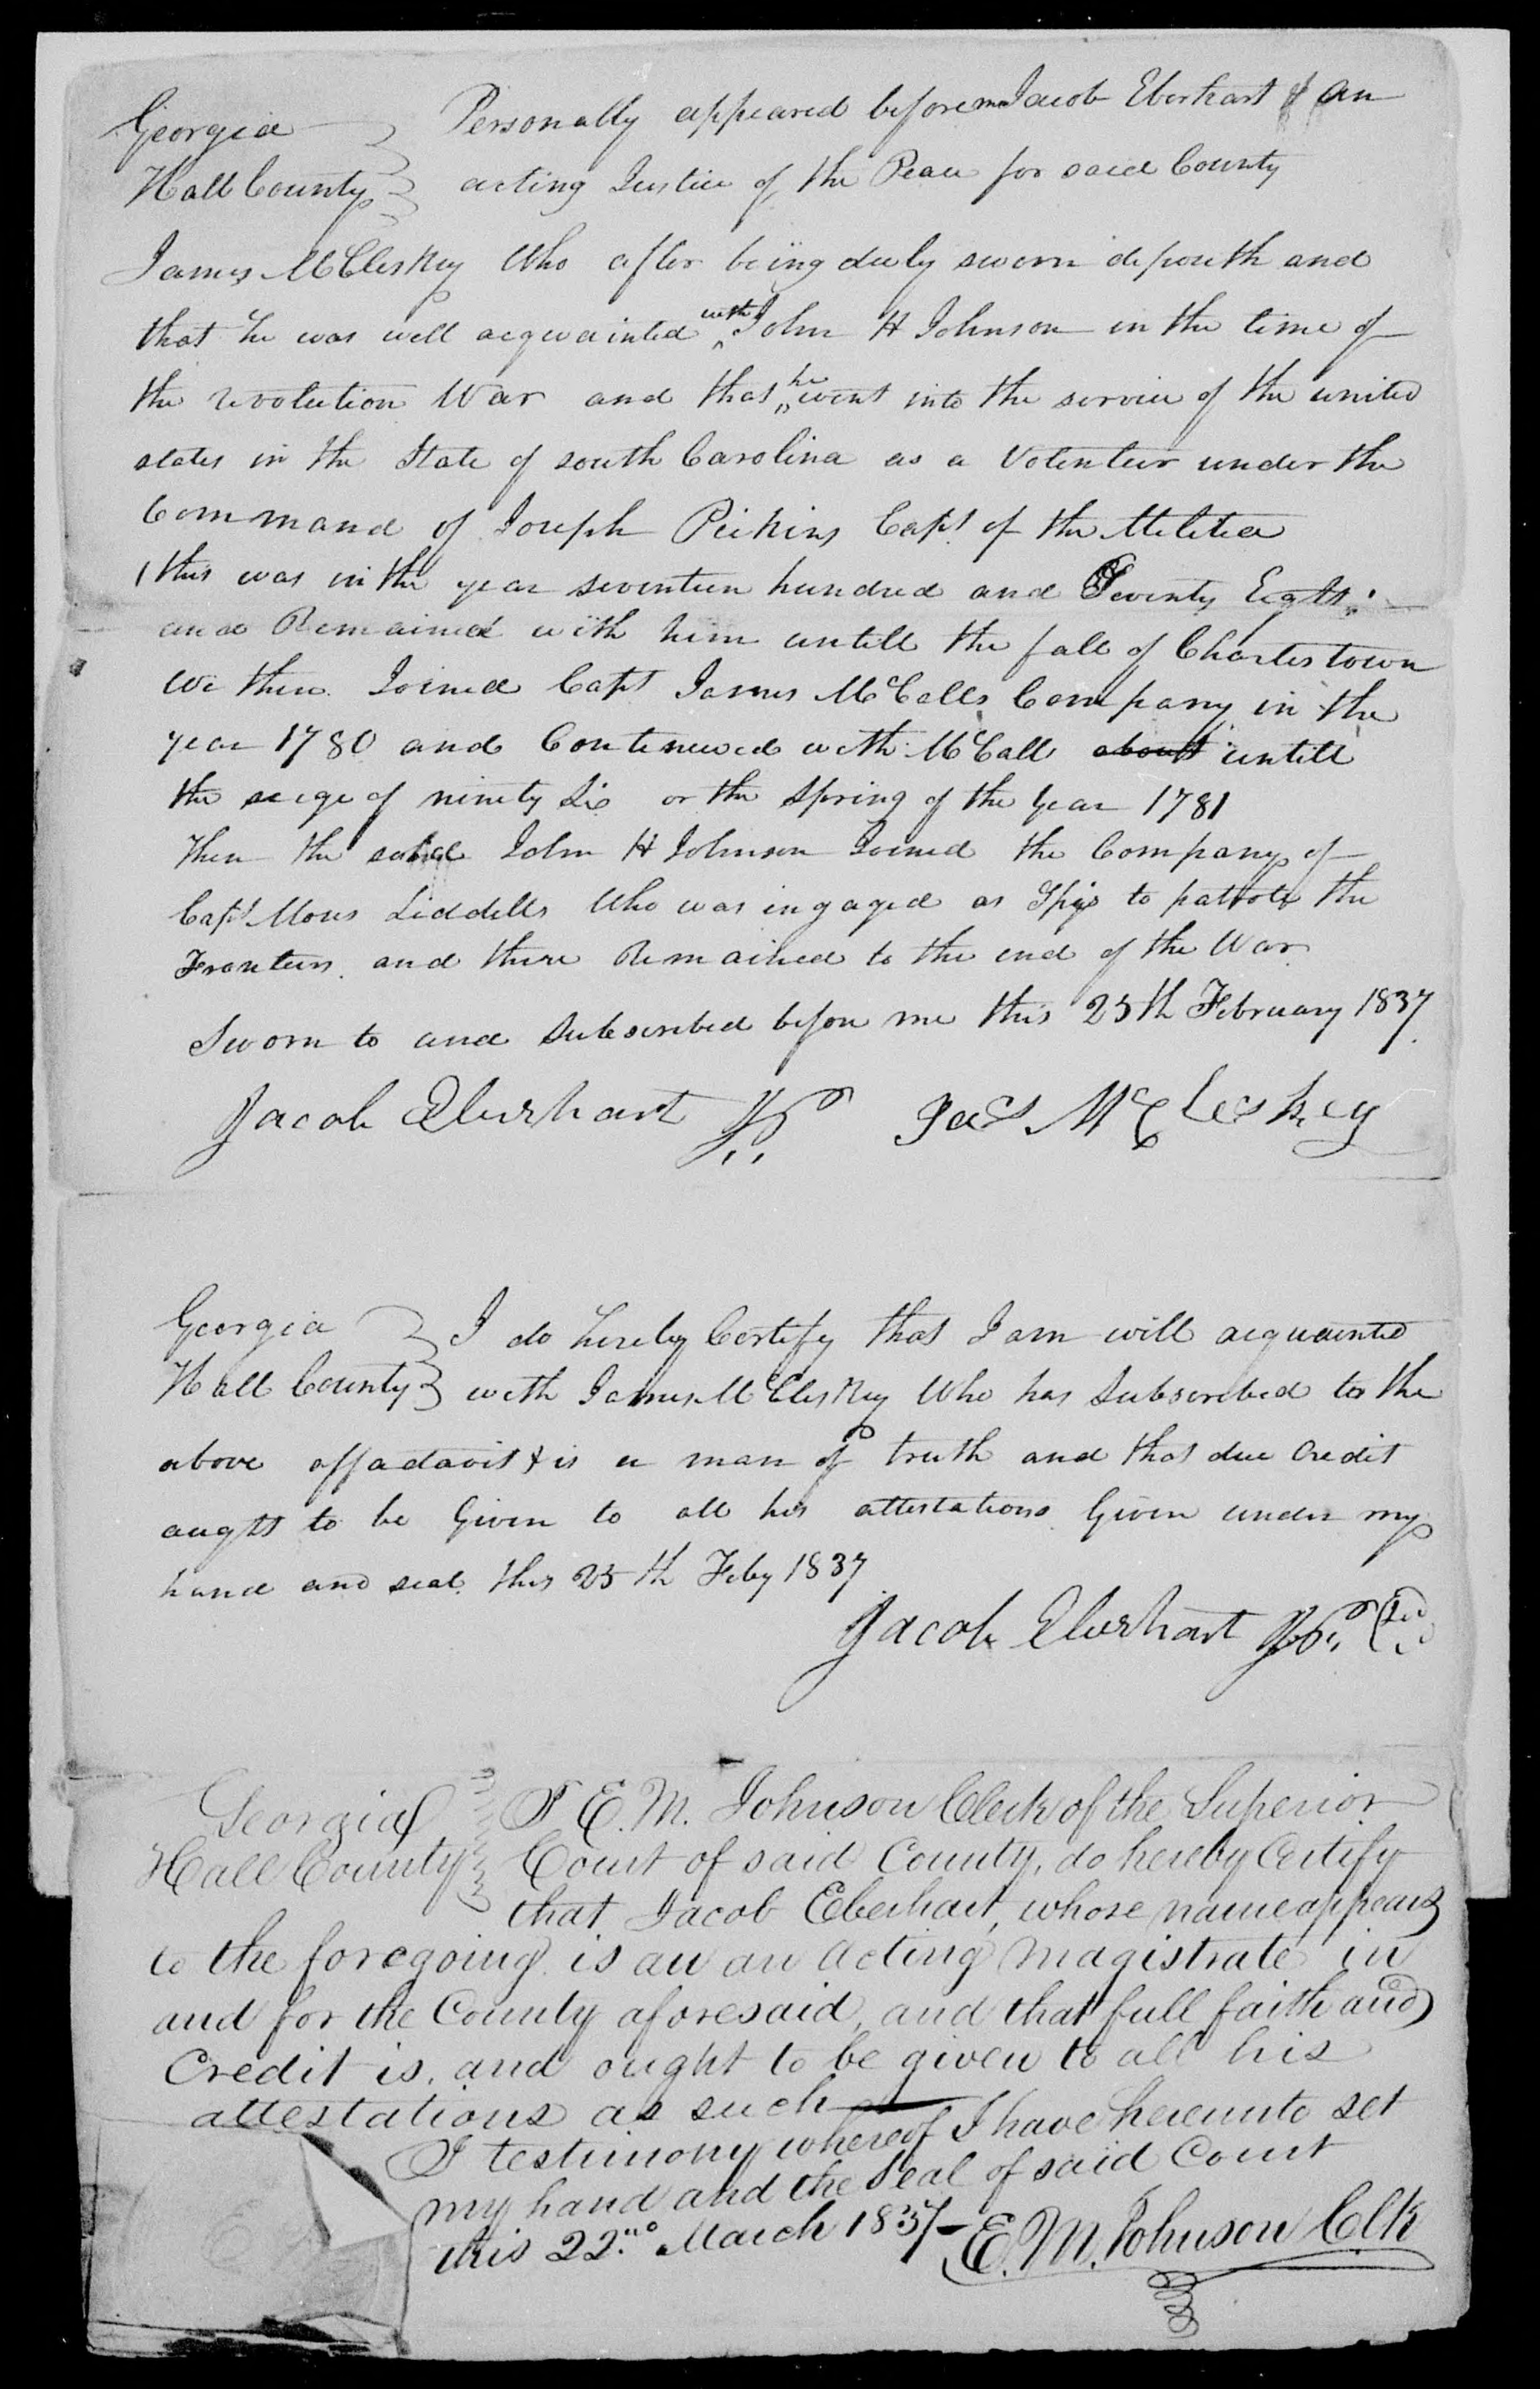Georgia }
Hall County }
Personally appeared before me Jacob Eberhart & an acting Justice of the Peace for said County James M Cleskey who after being duly sworn deposeth and that he was well acquainted ^with John H Johnson in the time of the revolution war and that ^he went into the service of the united states in the State of south Carolina as a volunteer under the command of Joseph Pickins Capt of the Militia this was in the year seventeen hundred and Seventy Eight: - and Remained with him untill the fall of Charlestown we then Joined Capt James McCalls Company in the year 1780 and Continued with McCall ["about" crossed out] untill the siege of Ninety Six or the Spring of the year 1781 Then the said John H Johnson Joined the Company of Capt Mons Liddells who was engaged as Spy's to patrol the Frontiers, and there remained to the end of the war

Sworn to and subscribed before me this 25th February 1837.
S/Jacob Eberhart J.P.
S/Jas McCleskey


Georgia }
Hall County }
I do hereby certify that I am well acquainted with James McCleskey who has Subscribed to the above affidavit & is a man of truth and that due credit ought to be given to all his attestations. Given under my hand and seal this 25th Feby 1837
S/Jacob Eberhart J.P. [personal seal]


Georgia }
Hall County }
I E. M. Johnson Clerk of the Superior Court of said county do hereby certify that Jacob Eberhart, whose name appears to the foregoing is an an acting magistrate in and for the County aforesaid, and that fill faith and credit is and ought to be given to all his attestations as such ---
In testimony whereof I have hereunto set my hand and the seal of said Court this 22nd March 1837 -
S/E. M. Johnson Clk
[seal]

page: 24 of 26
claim: widow's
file: W. 4464, for John H Johnson, Georgia